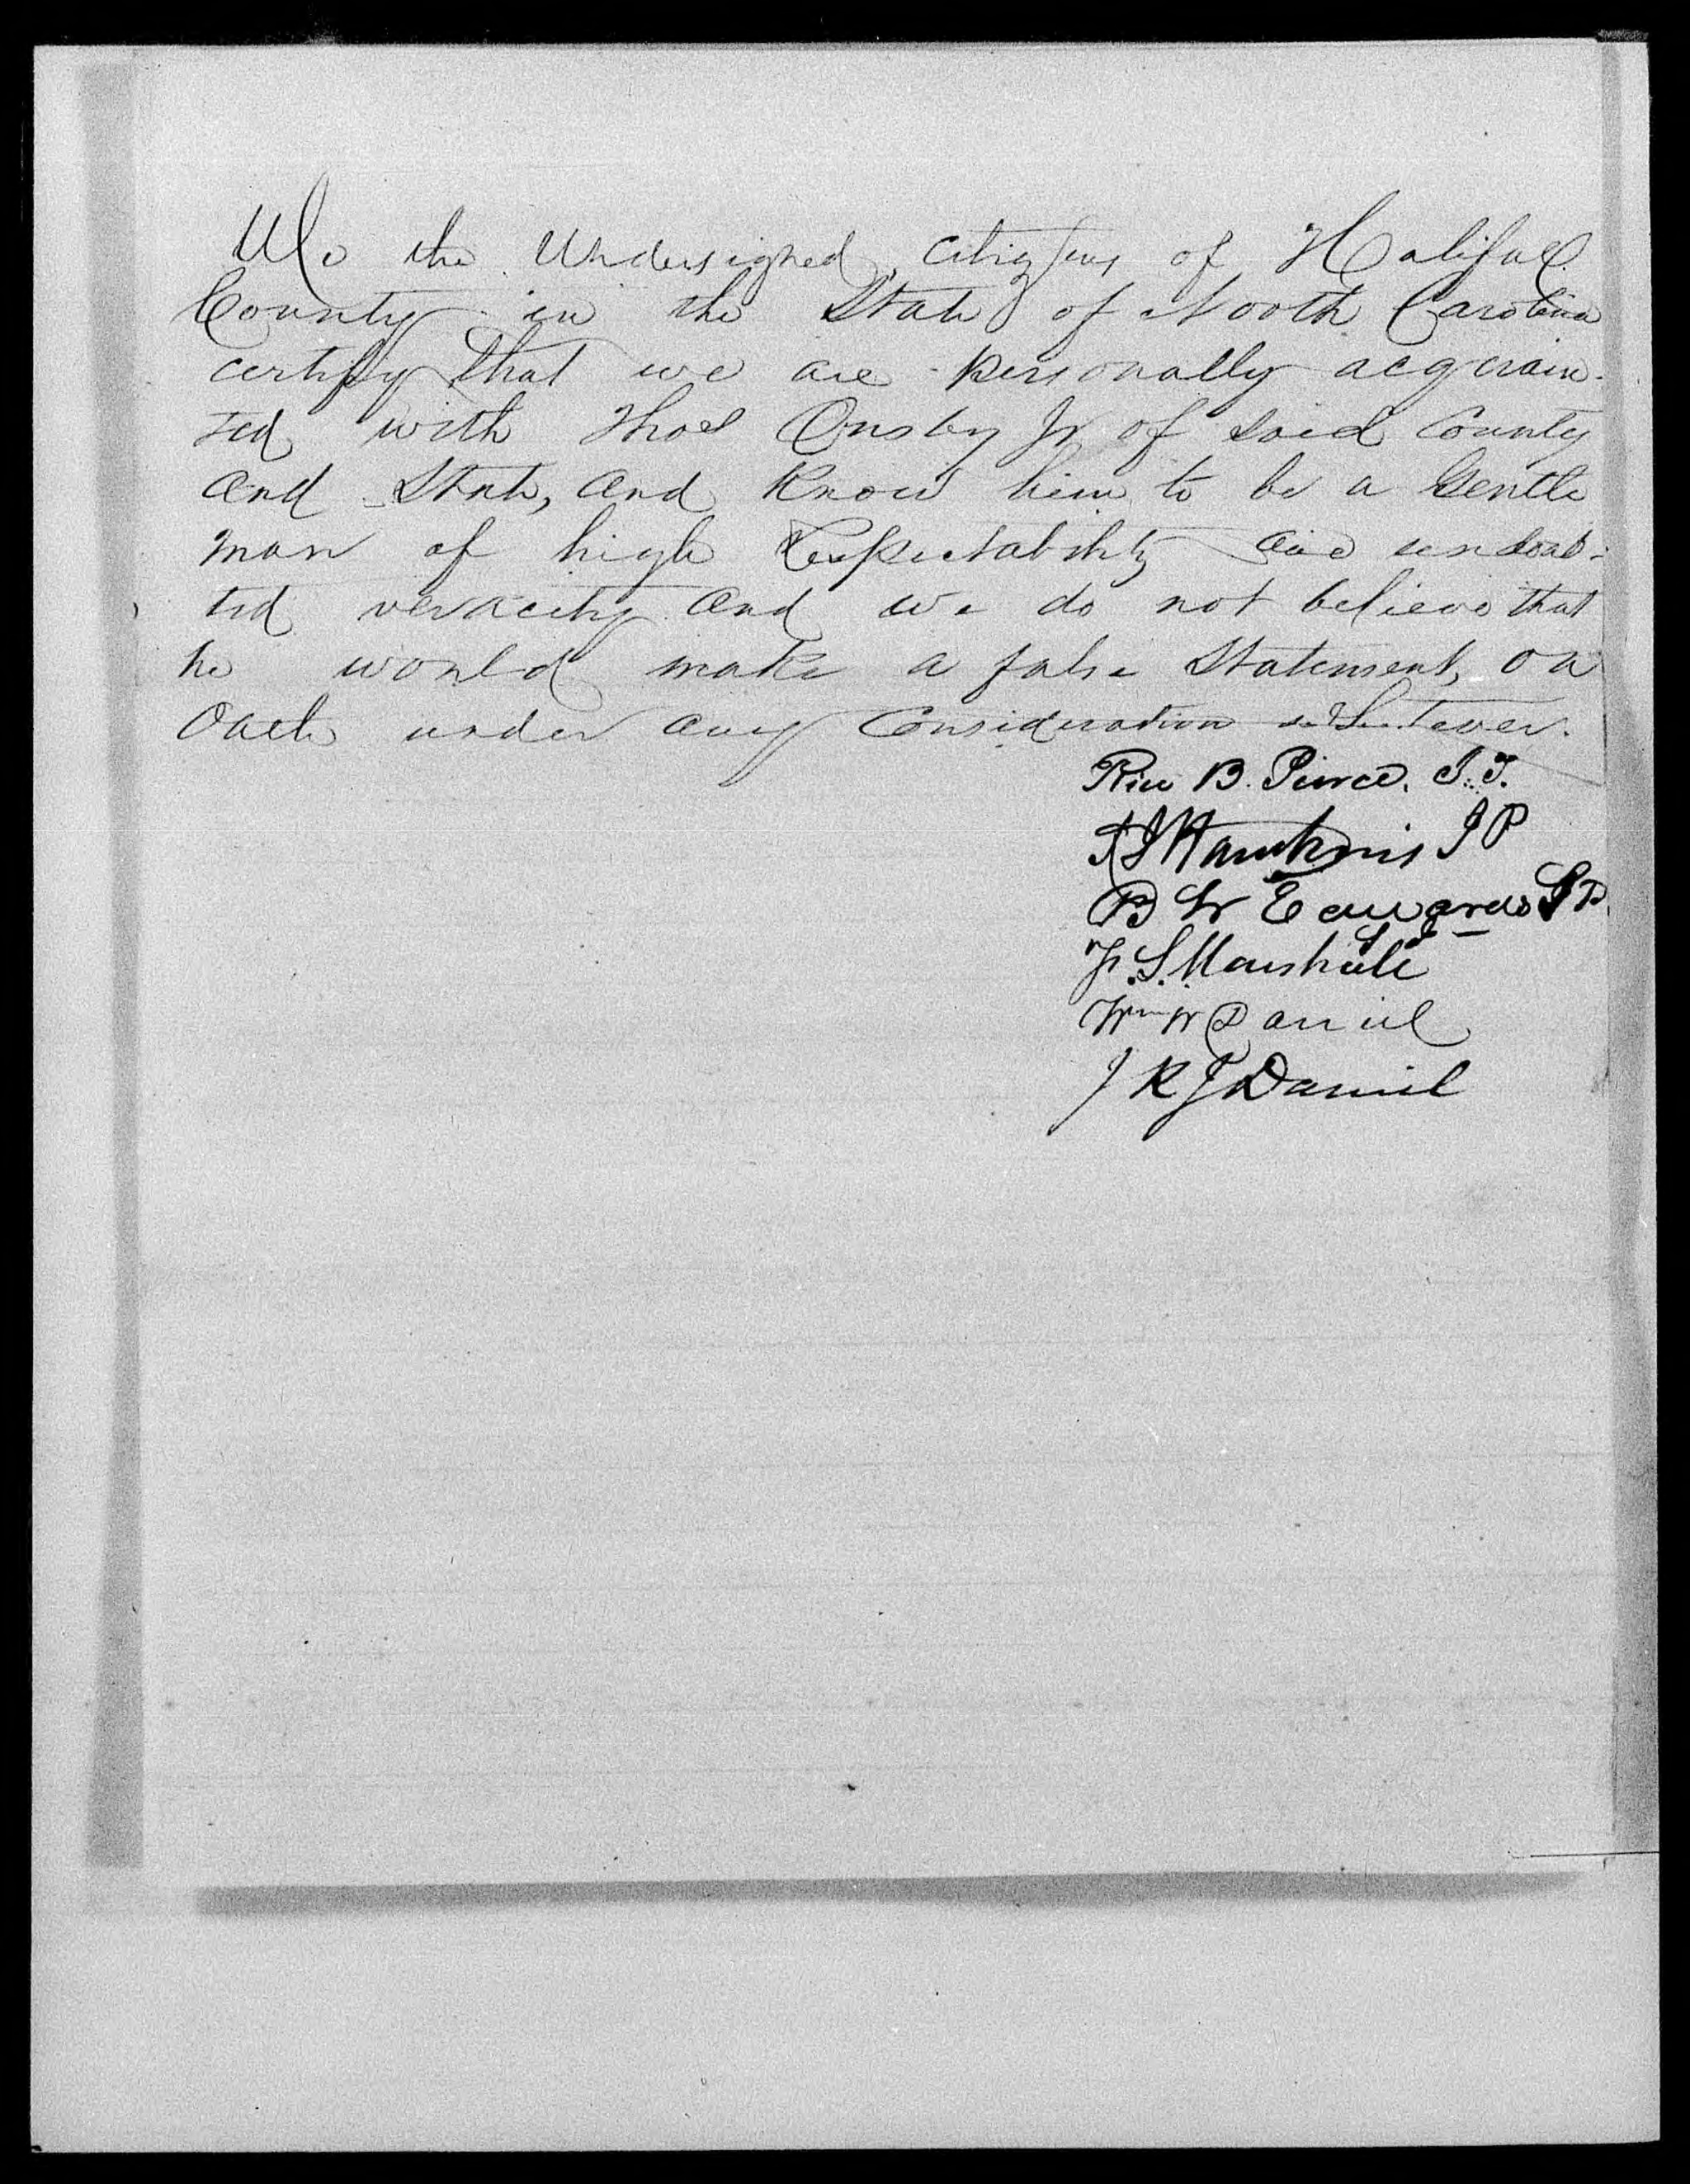We the Undersigned Citizens of Halifax County in the State of North Carolina certify that we are personally acquainted with Thomas Ousby Jr of said County and State, and Know him to be a Gentleman of high [illegible] [illegible] undoubted veracity and we do not believe that he would make a fake statement, or oath under any Consideration whatsoever.
Rice B. Pierce, TT.
TJ Hawkins JP
B W Eeurgreis TD
J.L. Maurhule
Wm W Daniel
J R J Daniel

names: Wm W Daniel; Thos Ousby; J J Hawkins; F S Marshall; B W Edwards; Rice B Peirce; J R J Daniel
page: 4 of 13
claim: bounty land warrant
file: B. L. Wt. 2455-200, for Thomas Ousby, South Carolina